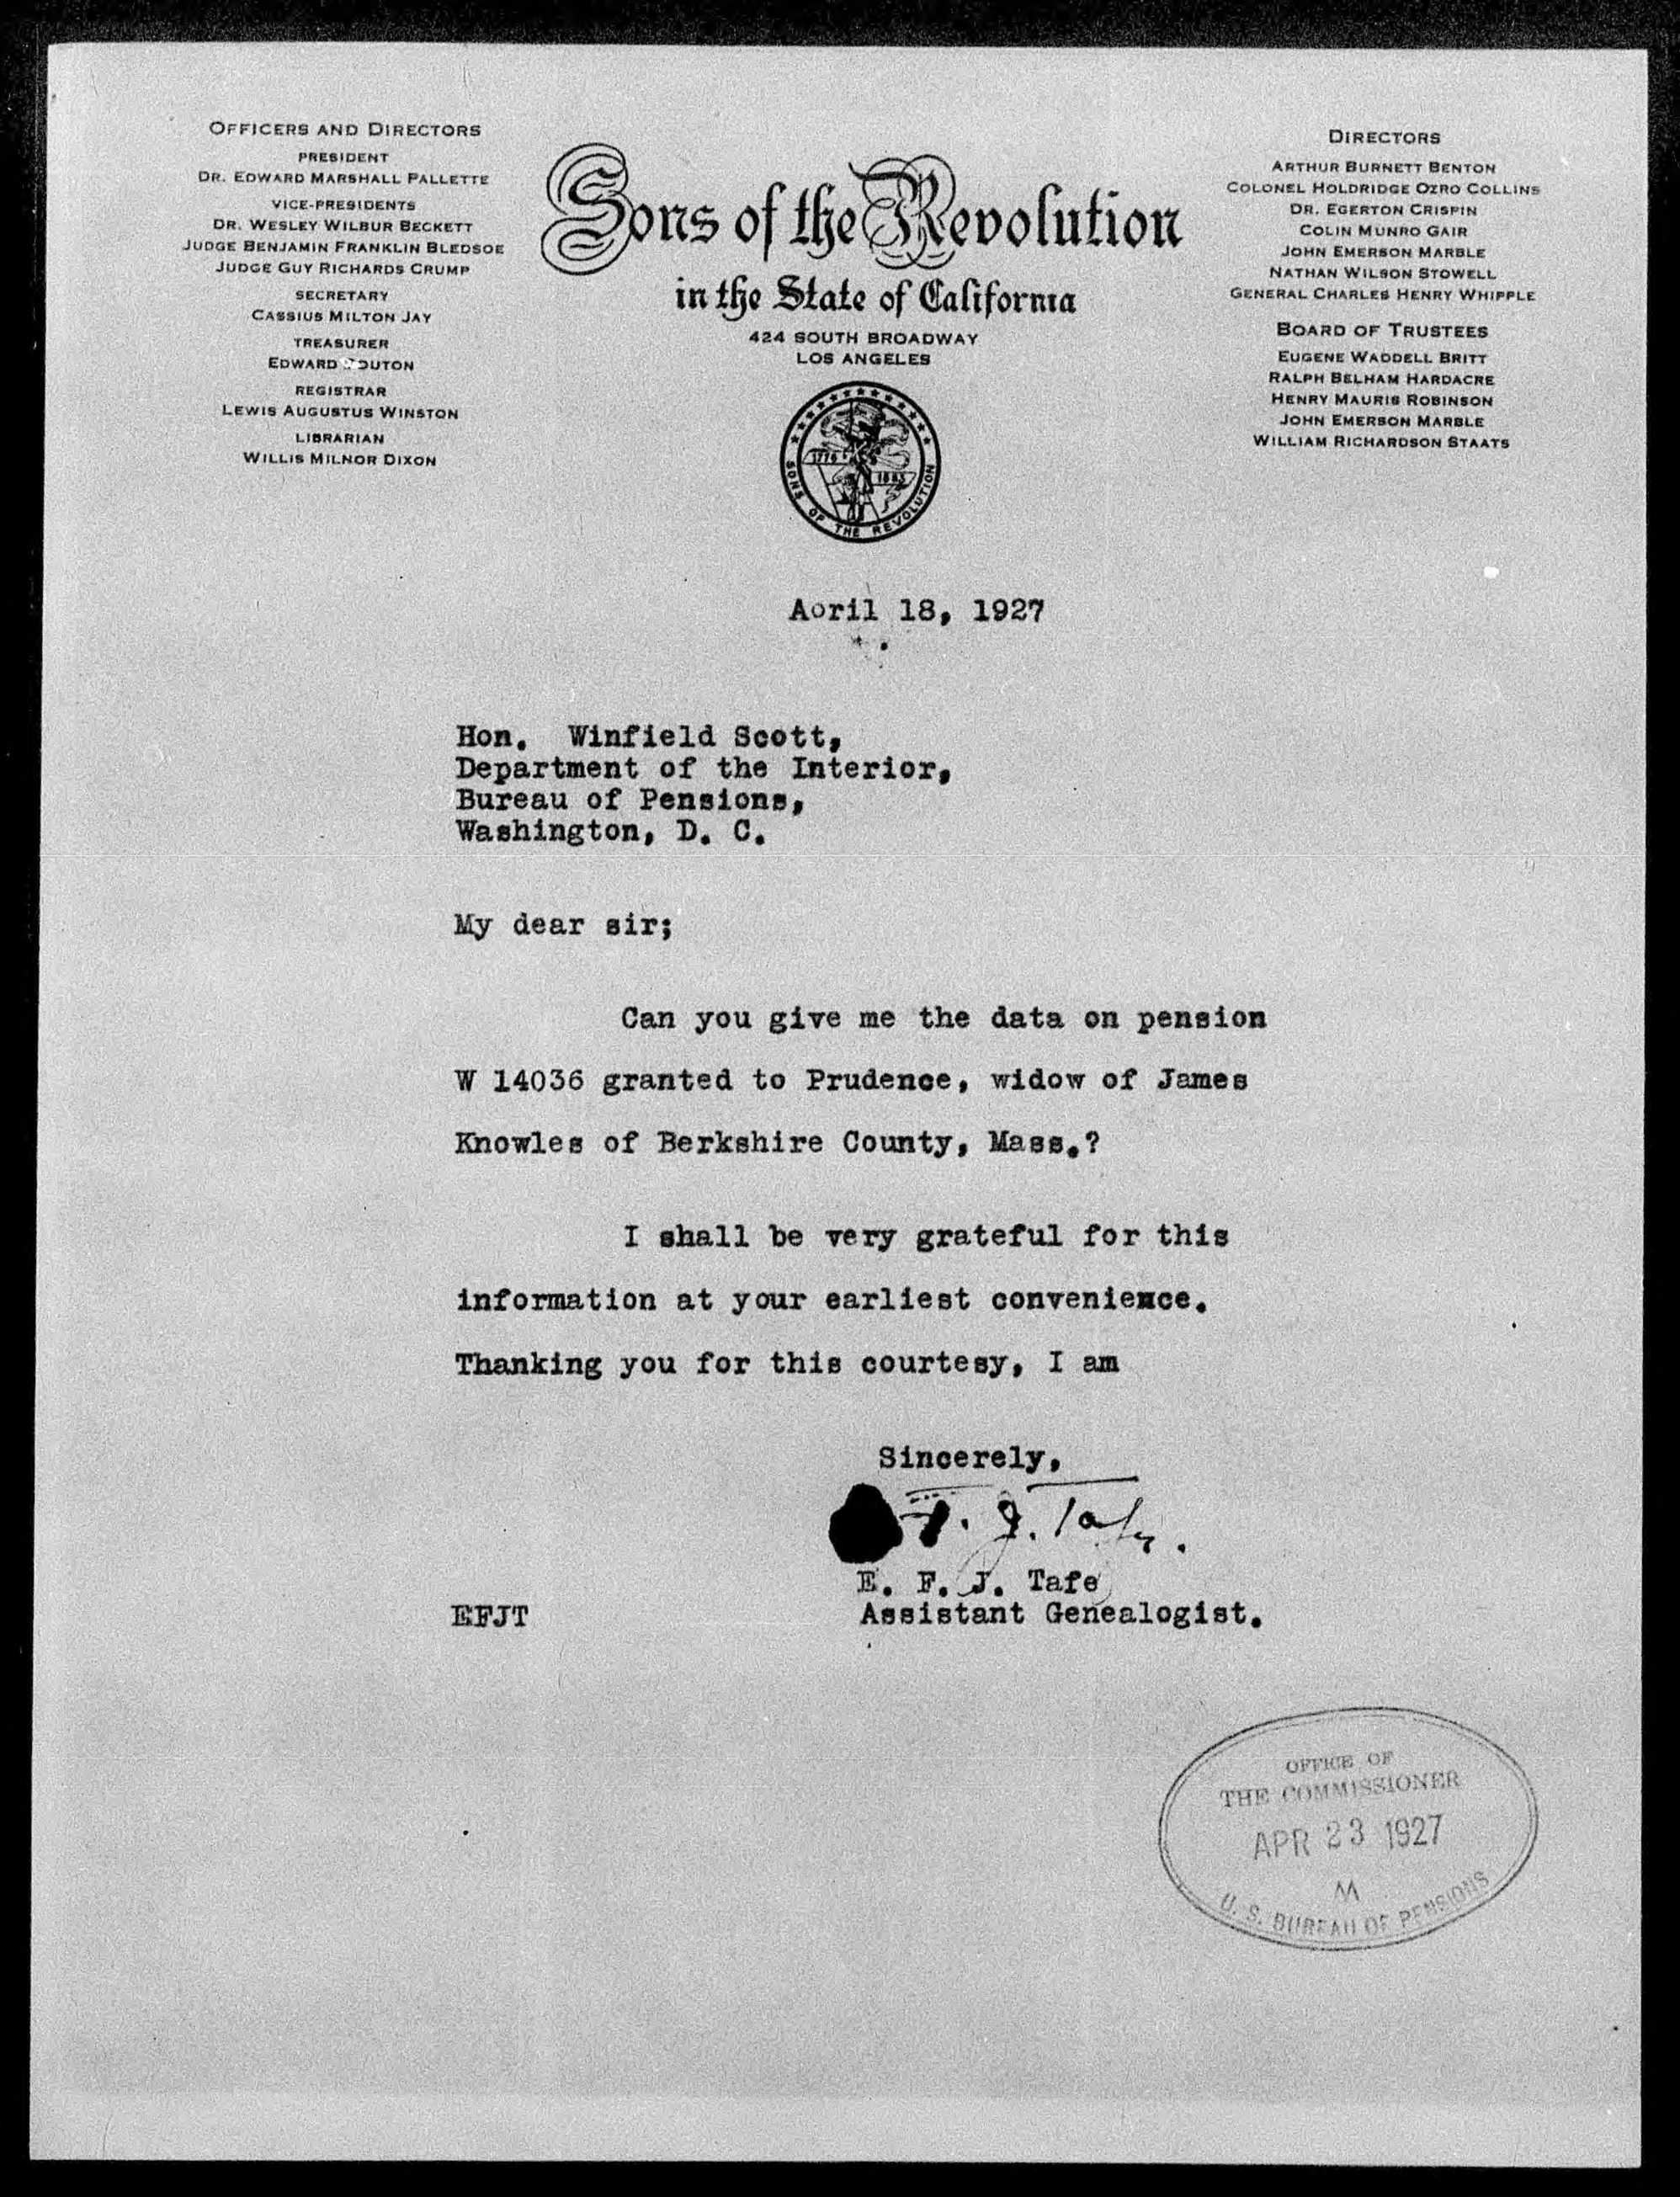Sons of the Revolution in the State of California
424 South Broadway  Los Angeles

Officers and Directors
President Dr. Edward Marshall Pallette
Vice-Presidents Dr. Wesley Wilbur Beckett Judge Benjamin Franklin Bledsoe,  Judge Guy Richards Crump
Secretary Cassius Milton Jay
Treasurer Edward Bouton
Registrar Lewis Augustus Winston
Librarian Willis Milnor Dixon

Directors
Arthur Burnett Benton. Colonel Holdridge Ozro Collins, Dr. Egerton Crispin, Colin Munro Gair, John Emerson Marble,
Nathan Wilson Stowell, General Charles Henry Whipple

Board of Trustees
Eugene Waddell Britt, Ralph Belham Hardacre, Henry Mauris Robinson, John Emerson Marble, William Richardson Starts 

April 18, 1927

Hon. Winfield Scott,
Department of the Interior, 
Bureau of Pensions, 
Washington, D. C.

My dear sir;
Can you give me the data on pension W14036 granted to Prudence, widow of James Knowles of Berkshire County, Mass.?
I shall be very grateful for this information at your earliest convenience. Thanking you for this courtesy, I am
Sincerely, 
(signed) F. J. Tafe.
E. F. J. Tafe
Assistant Genealogist.
EFJT

(oval stamp)
OFFICE OF THE COMMISSIONER
APR 23 1927
M
U.S. BUREAU OF PENSIONS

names: Eugene Waddell Britt; Edward Marshall Pallette; John Emerson Marble; Prudence [BLANK]; Guy Richards Crump; Charles Henry Whipple; Nathan Wilson Stowell; Ralph Belham Hardacre; Willis Milnor Dixon; E F J Tafe; Benjamin Franklin Bledsoe; Henry Mauris Robinson; Lewis Augustus Winston; Winfield Scott; Colin Munro Gair; James Knowles; Egerton Crispin; Edward Bouton; Cassius Milton Jay; Holdridge Ozro Collins; Arthur Burnett Benton; William Richardson Staats; Wesley Wilbur Beckett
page: 59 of 60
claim: widow's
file: W. 14,036, for James Knowles, Connecticut